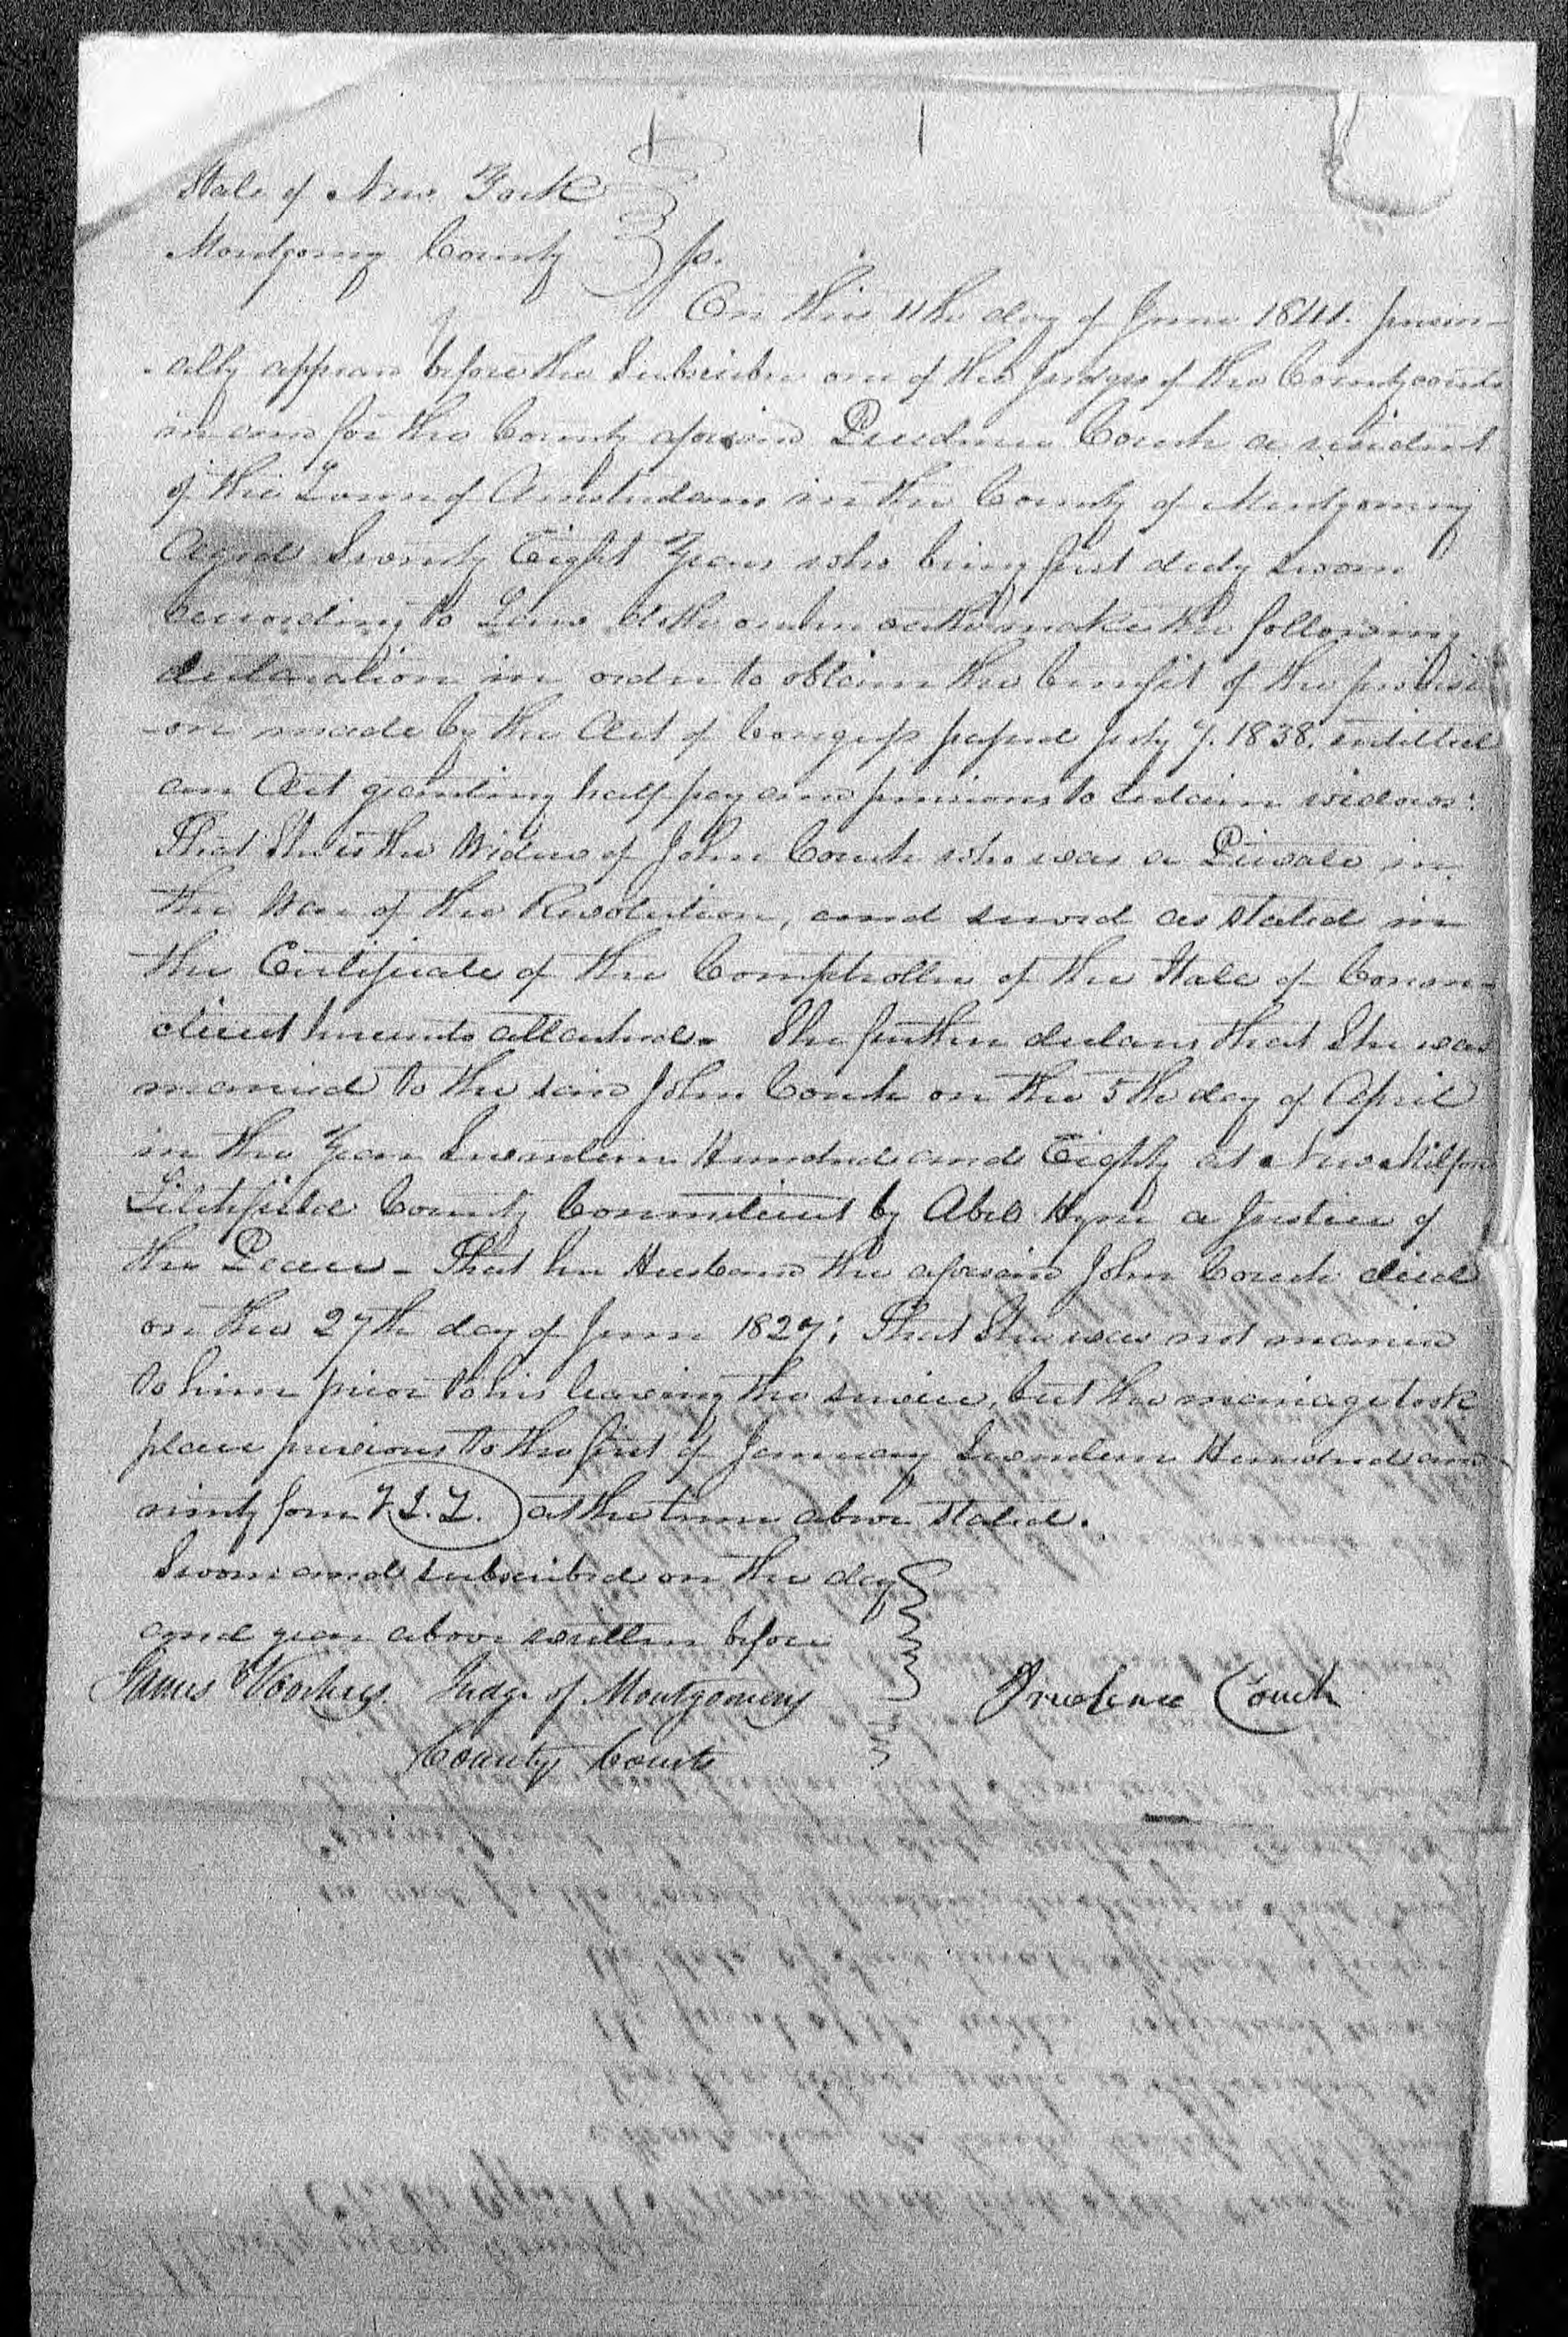State of New York
Montgomery County} ss.
On this 11th day of June 1841, personally appeared before the subscriber one of the Judges of the County Court in and for the County aforesaid Prudence Couch a resident of the Town of Amsterdam in the County of Montgomery aged seventy eight years who being first duly sworn according to law doth on her oath make the following declaration in order to obtain the benefit of the provisions made by the act of Congress passed July 7, 1838, entitled an act granting half pay and pensions to certain widows. That she is the widow of John Couch who was a Private in the War of the Revolution, and served as stated in the certificate of the Comptroller of the State of Connecticut hereunto attached. She further declares that she was married to the said John Couch on the 5th day of April in the year seventeen hundred and eighty at New Milford, Litchfield County, Connecticut by Abel Hyne a Justice of the Peace. That he husband the aforesaid John Couch died in the 27th day of June 1827; That she not married to him prior to his leaving the service, but the marriage took place previous to the first of January seventeen hundred and ninety four LJJ at the time above stated.
Prudence Couch

Sworn and subscribed on the day and year above written before
James Voorhees Judge of Montgomery County Courts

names: John Couch, James Voorhees, Abel Hyne, Prudence Couch, Prudence Couch, John Couch, John Couch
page: 25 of 68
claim: rejected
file: R. 2,360, John Couch, Conn.